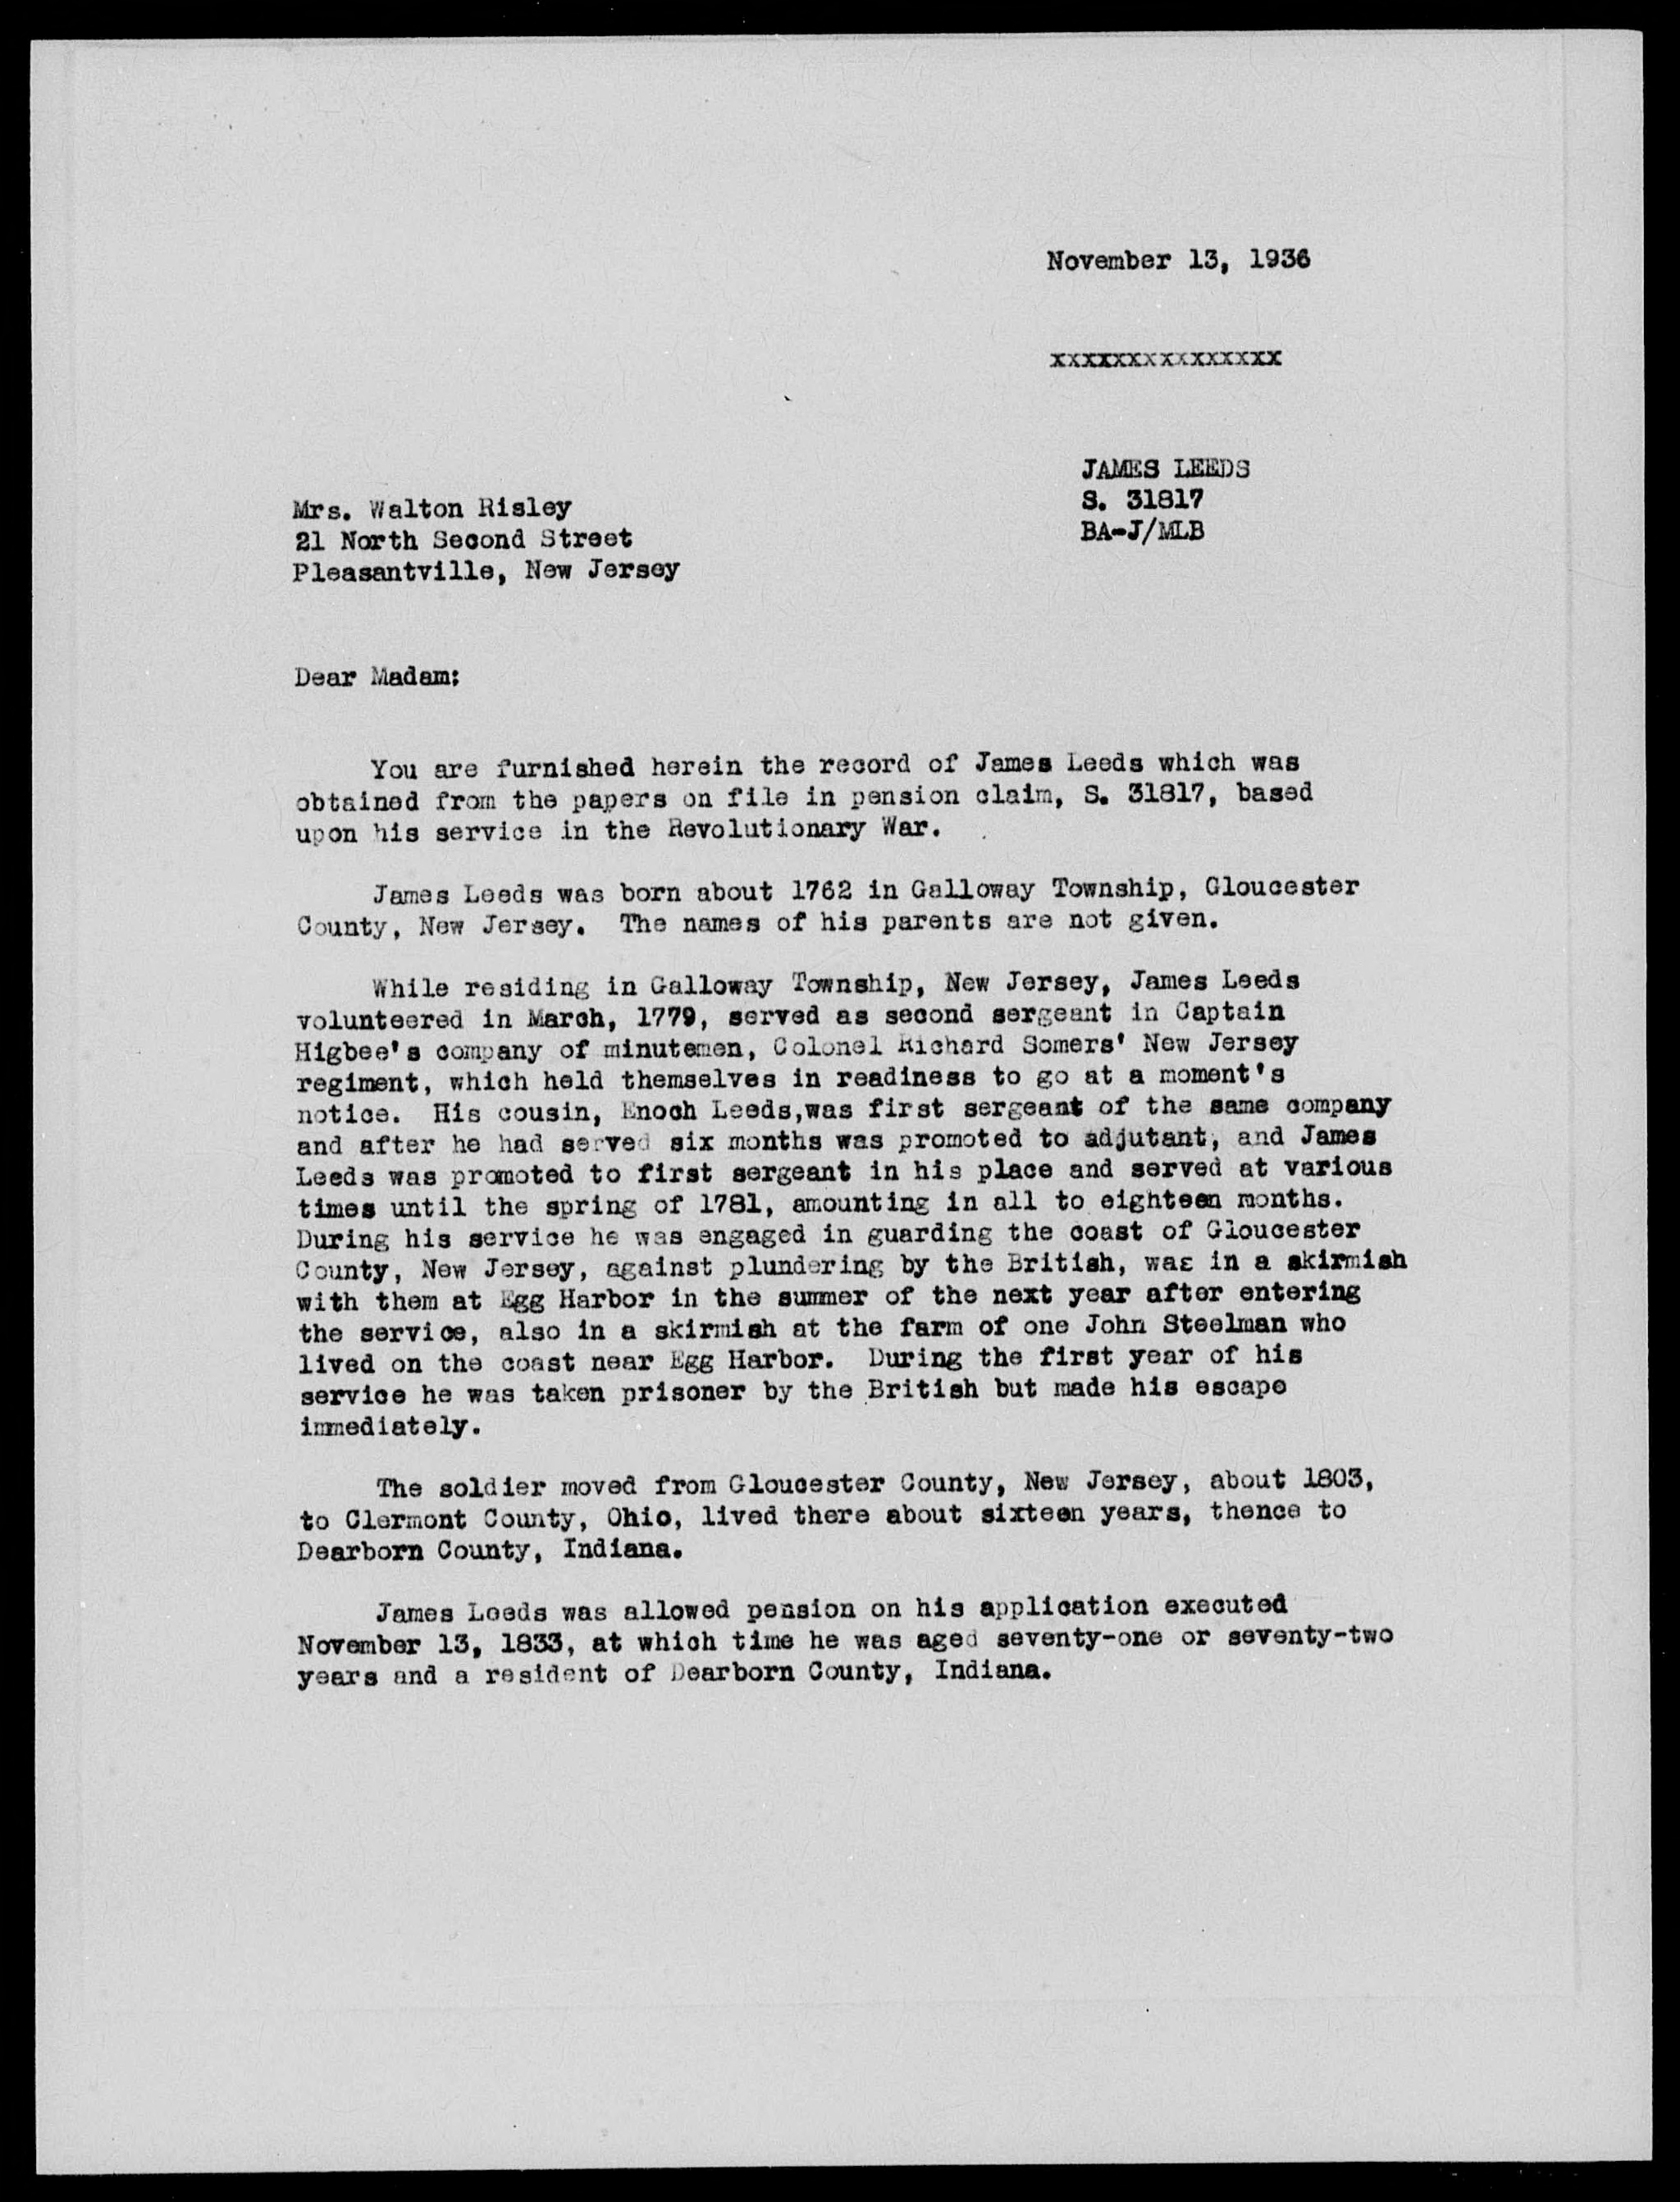November 13, 1936

xxxxxxxxxxxxxxxxxxxx
JAMES LEEDS
S. 31817
BA-J/MLB

Mrs. Walton Risley
21 North Second Street
Pleasantville, New Jersey

Dear Madam:

You are furnished herein the record of James Leeds which was obtained from the papers on file in pension claim, S. 31817, based upon his service in the Revolutionary War.

James Leeds was born about 1762 in Galloway Township, Gloucester County, New Jersey. The names of his parents are not given.

While residing in Galloway Township, New Jersey, James Leeds volunteered in March, 1779, served as second sergeant in Captain Higbee's company of minutemen, Colonel Richard Somers' New Jersey regiment, which held themselves in readiness Enoch Leeds, was first sergeant of the same company and after he had served six months was promoted to adjutant, and James Leeds was promoted to first sergeant in his place and served at various times until the spring of 1781, amounting in all to eighteen months. During his service he was engaged in guarding the coast of Gloucester County, New Jersey, against plundering by the British, was in a skirmish with them at Egg Harbor in the summer of the next year after entering the service, also in a skirmish at the farm of one John Steelman who lived on the coast near Egg Harbor. During the first year of his service he was taken prisoner by the British but made his escape immediately.

The soldier moved from Gloucester County, New Jersey, about 1803, to Clermont County, Ohio, lived there about sixteen years, thence to Dearborn County, Indiana.

James Leeds was allowed pension on his application executed November 13, 1833, at which time he was aged seventy one or seventy two years and a resident of Dearborn County, Indiana.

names: Walton Risley; John Steelman; James Leeds; Enoch Leeds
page: 19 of 38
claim: survivor's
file: S 31817, for James Leeds, New Jersey